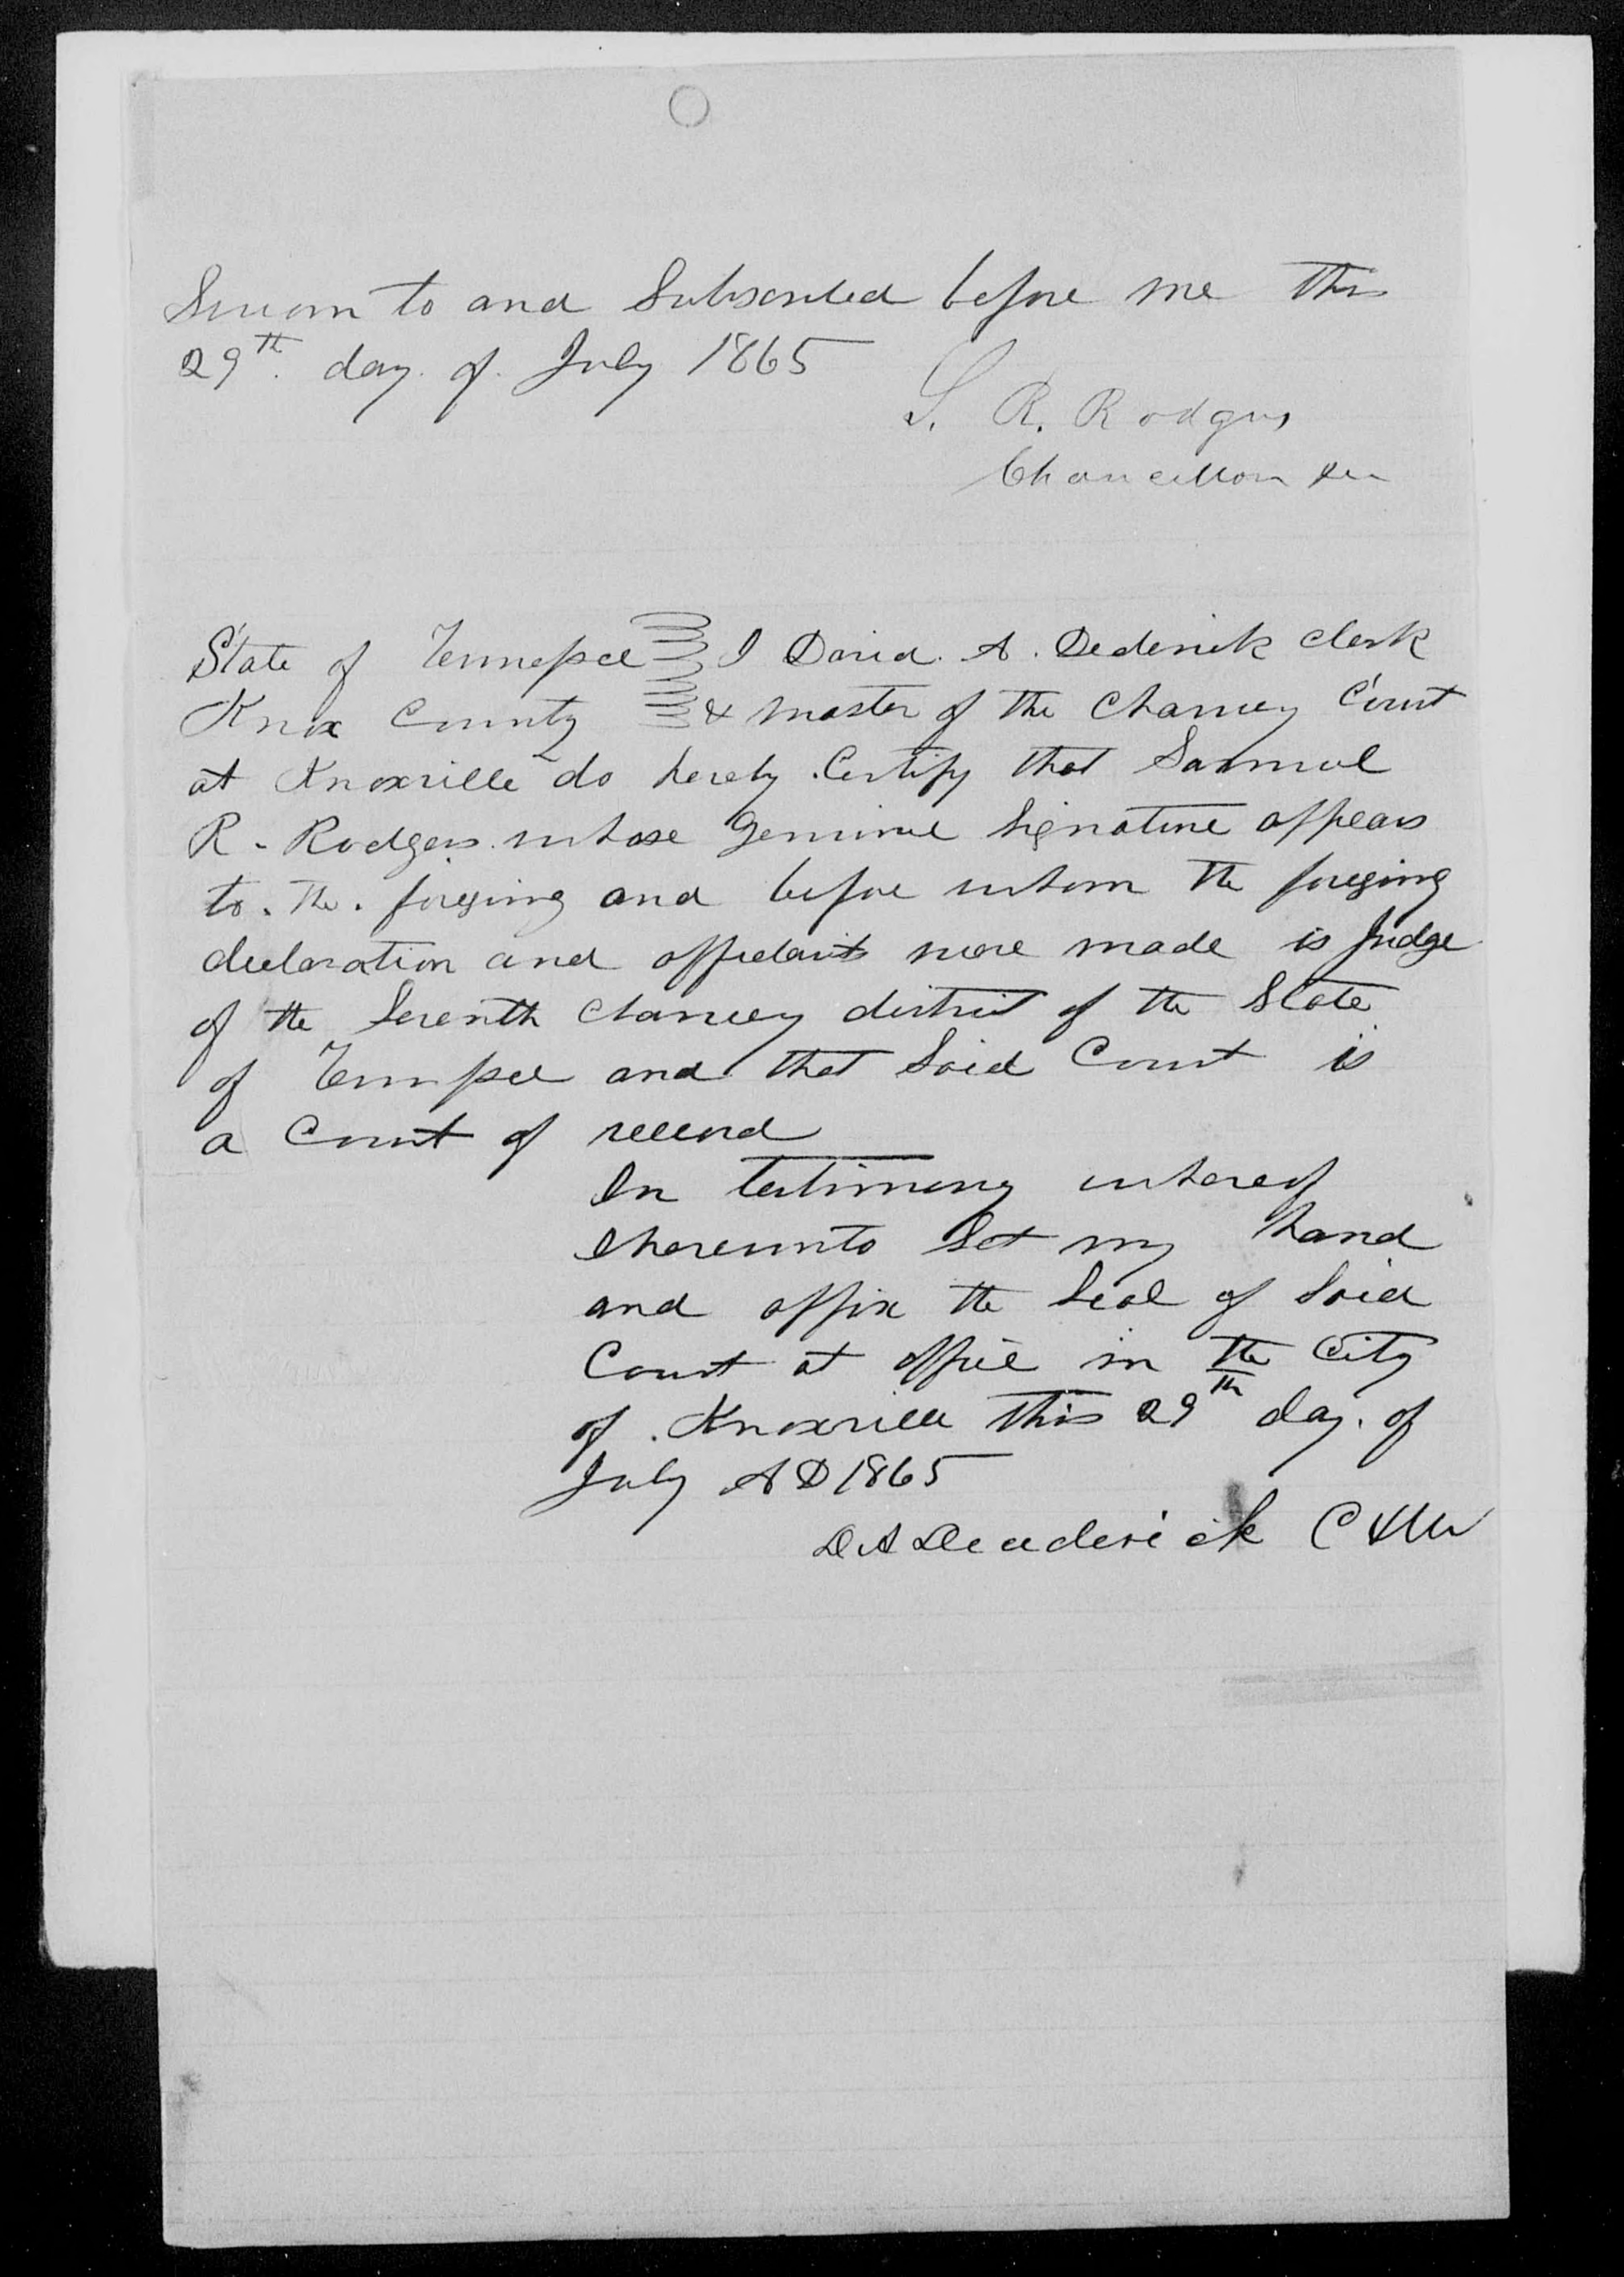Sworn to and subscribed before me this
29th day of July 1865
S.R. Rodgers
Chancellor

State of Tennessee 
Knox County
I David A. Dederick Clerk & Master of the Chancery Court at Knoxville do hereby certify that Samuel R. Rodgers whose genuine signature appears to the foregoing and before whom the foregoing declaration and affidavit were made is Judge of the Seventh Chancery district of the State of Tennessee and that Said Court is a Court of record
In testimony whereof I hereunto Set my hand and affix the Seal of said Court at office in the City of Knoxville this 29th day of
July AD 1865
Dad. Deaderick Clerk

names: David A Dederick, J R Rodgers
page: 81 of 86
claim: widow's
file: W. 1035, John Hubbs, S.C.